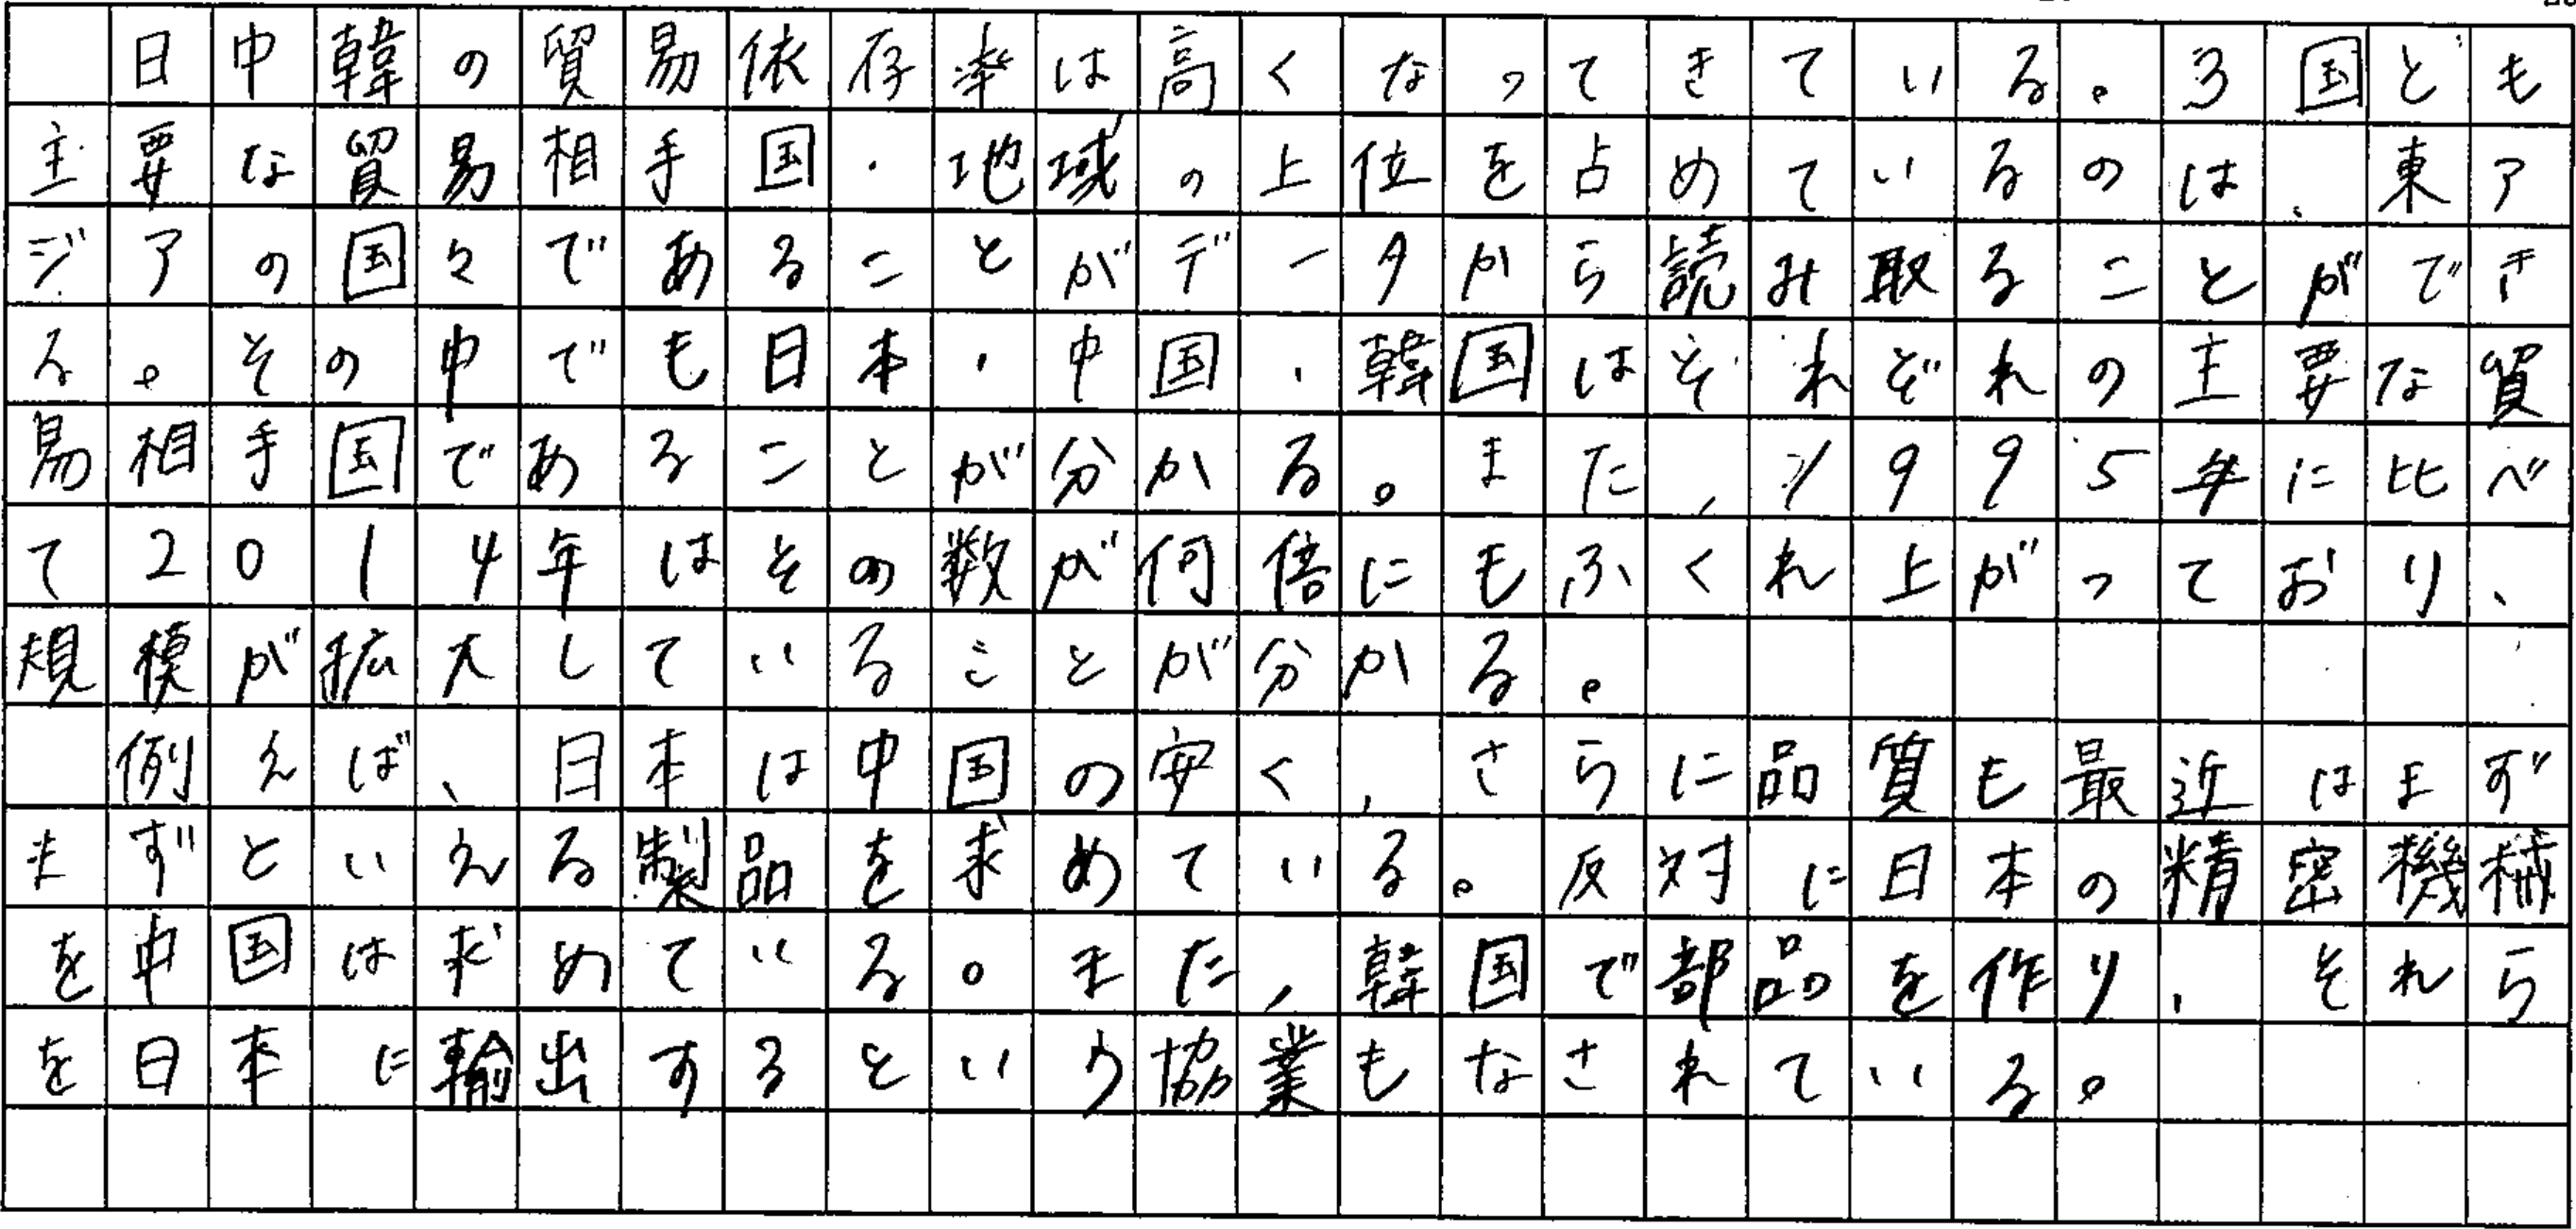　日中韓の貿易依存率は高くなってきている。３国とも主要な貿易相手国・地域の上位を占めているのは、東アジアの国々であることがデータから読み取ることができる。その中でも日本・中国・韓国はそれぞれの主要な貿易相手国であることが分かる。また，１９９５年に比べて２０１４年はその数が何倍にもふくれ上がっており、規模が拡大していることが分かる。
　例えば、日本は中国の安く，さらに品質も最近はまずまずといえる製品を求めている。反対に日本の精密機械を中国は求めている。また，韓国で部品を作り，それらを日本に輸出するという協業もなされている。
